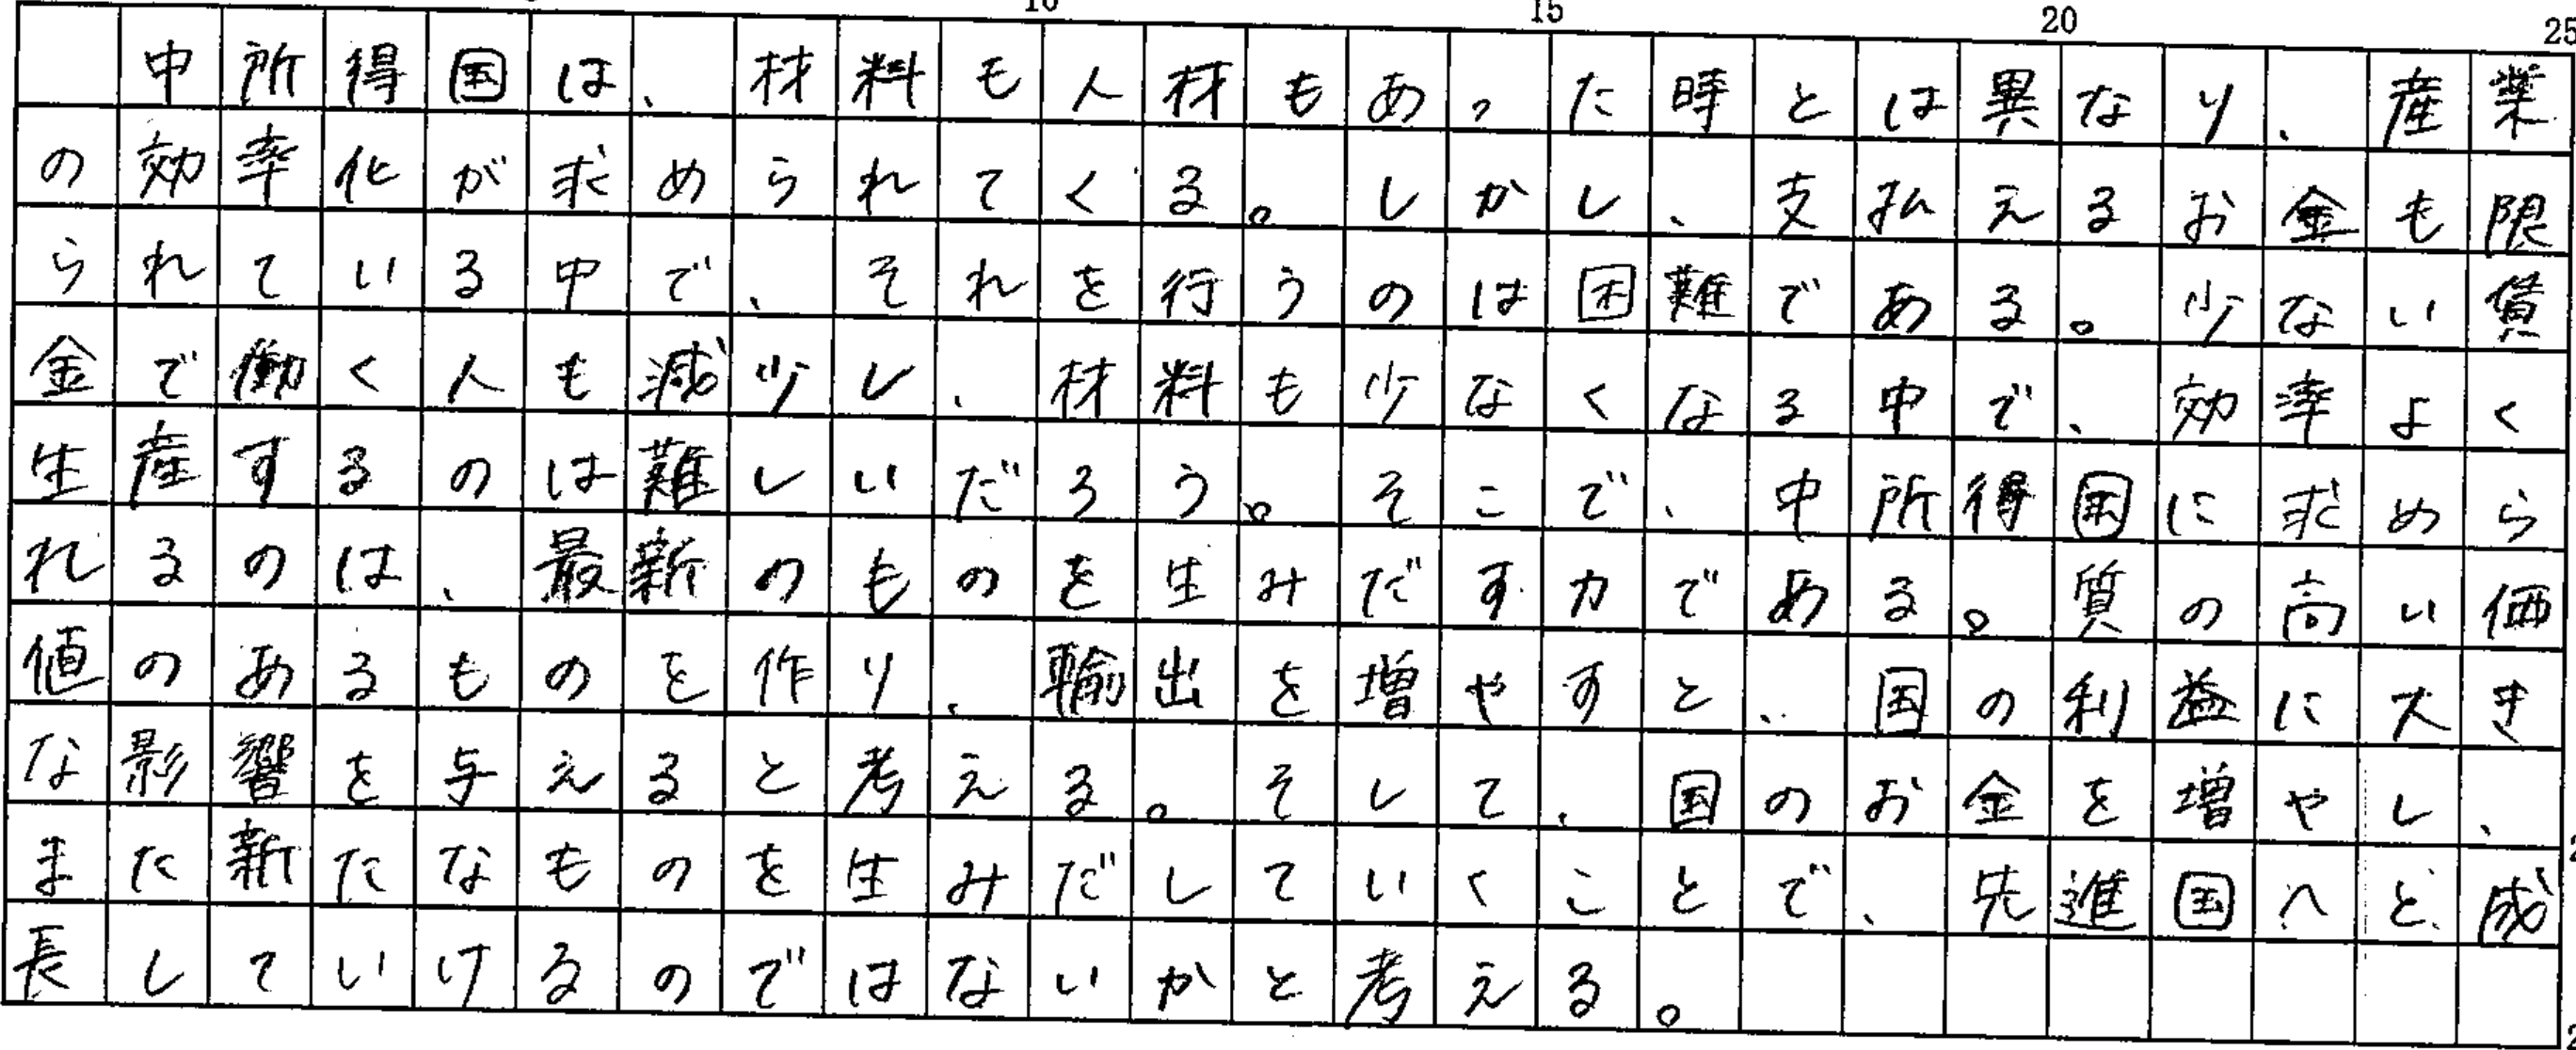　中所得国は、材料も人材もあった時とは異なり、産業の効率化が求められてくる。しかし、支払えるお金も限られている中で、それを行うのは困難である。少ない賃金で働く人も減少し、材料も少なくなる中で、効率よく生産するのは難しいだろう。そこで、中所得国に求められるのは、最新のものを生みだす力である。質の高い価値のあるものを作り、輸出を増やすと、国の利益に大きな影響を与えると考える。そして、国のお金を増やし、また新たなものを生みだしていくことで、先進国へと成長していけるのではないかと考える。
